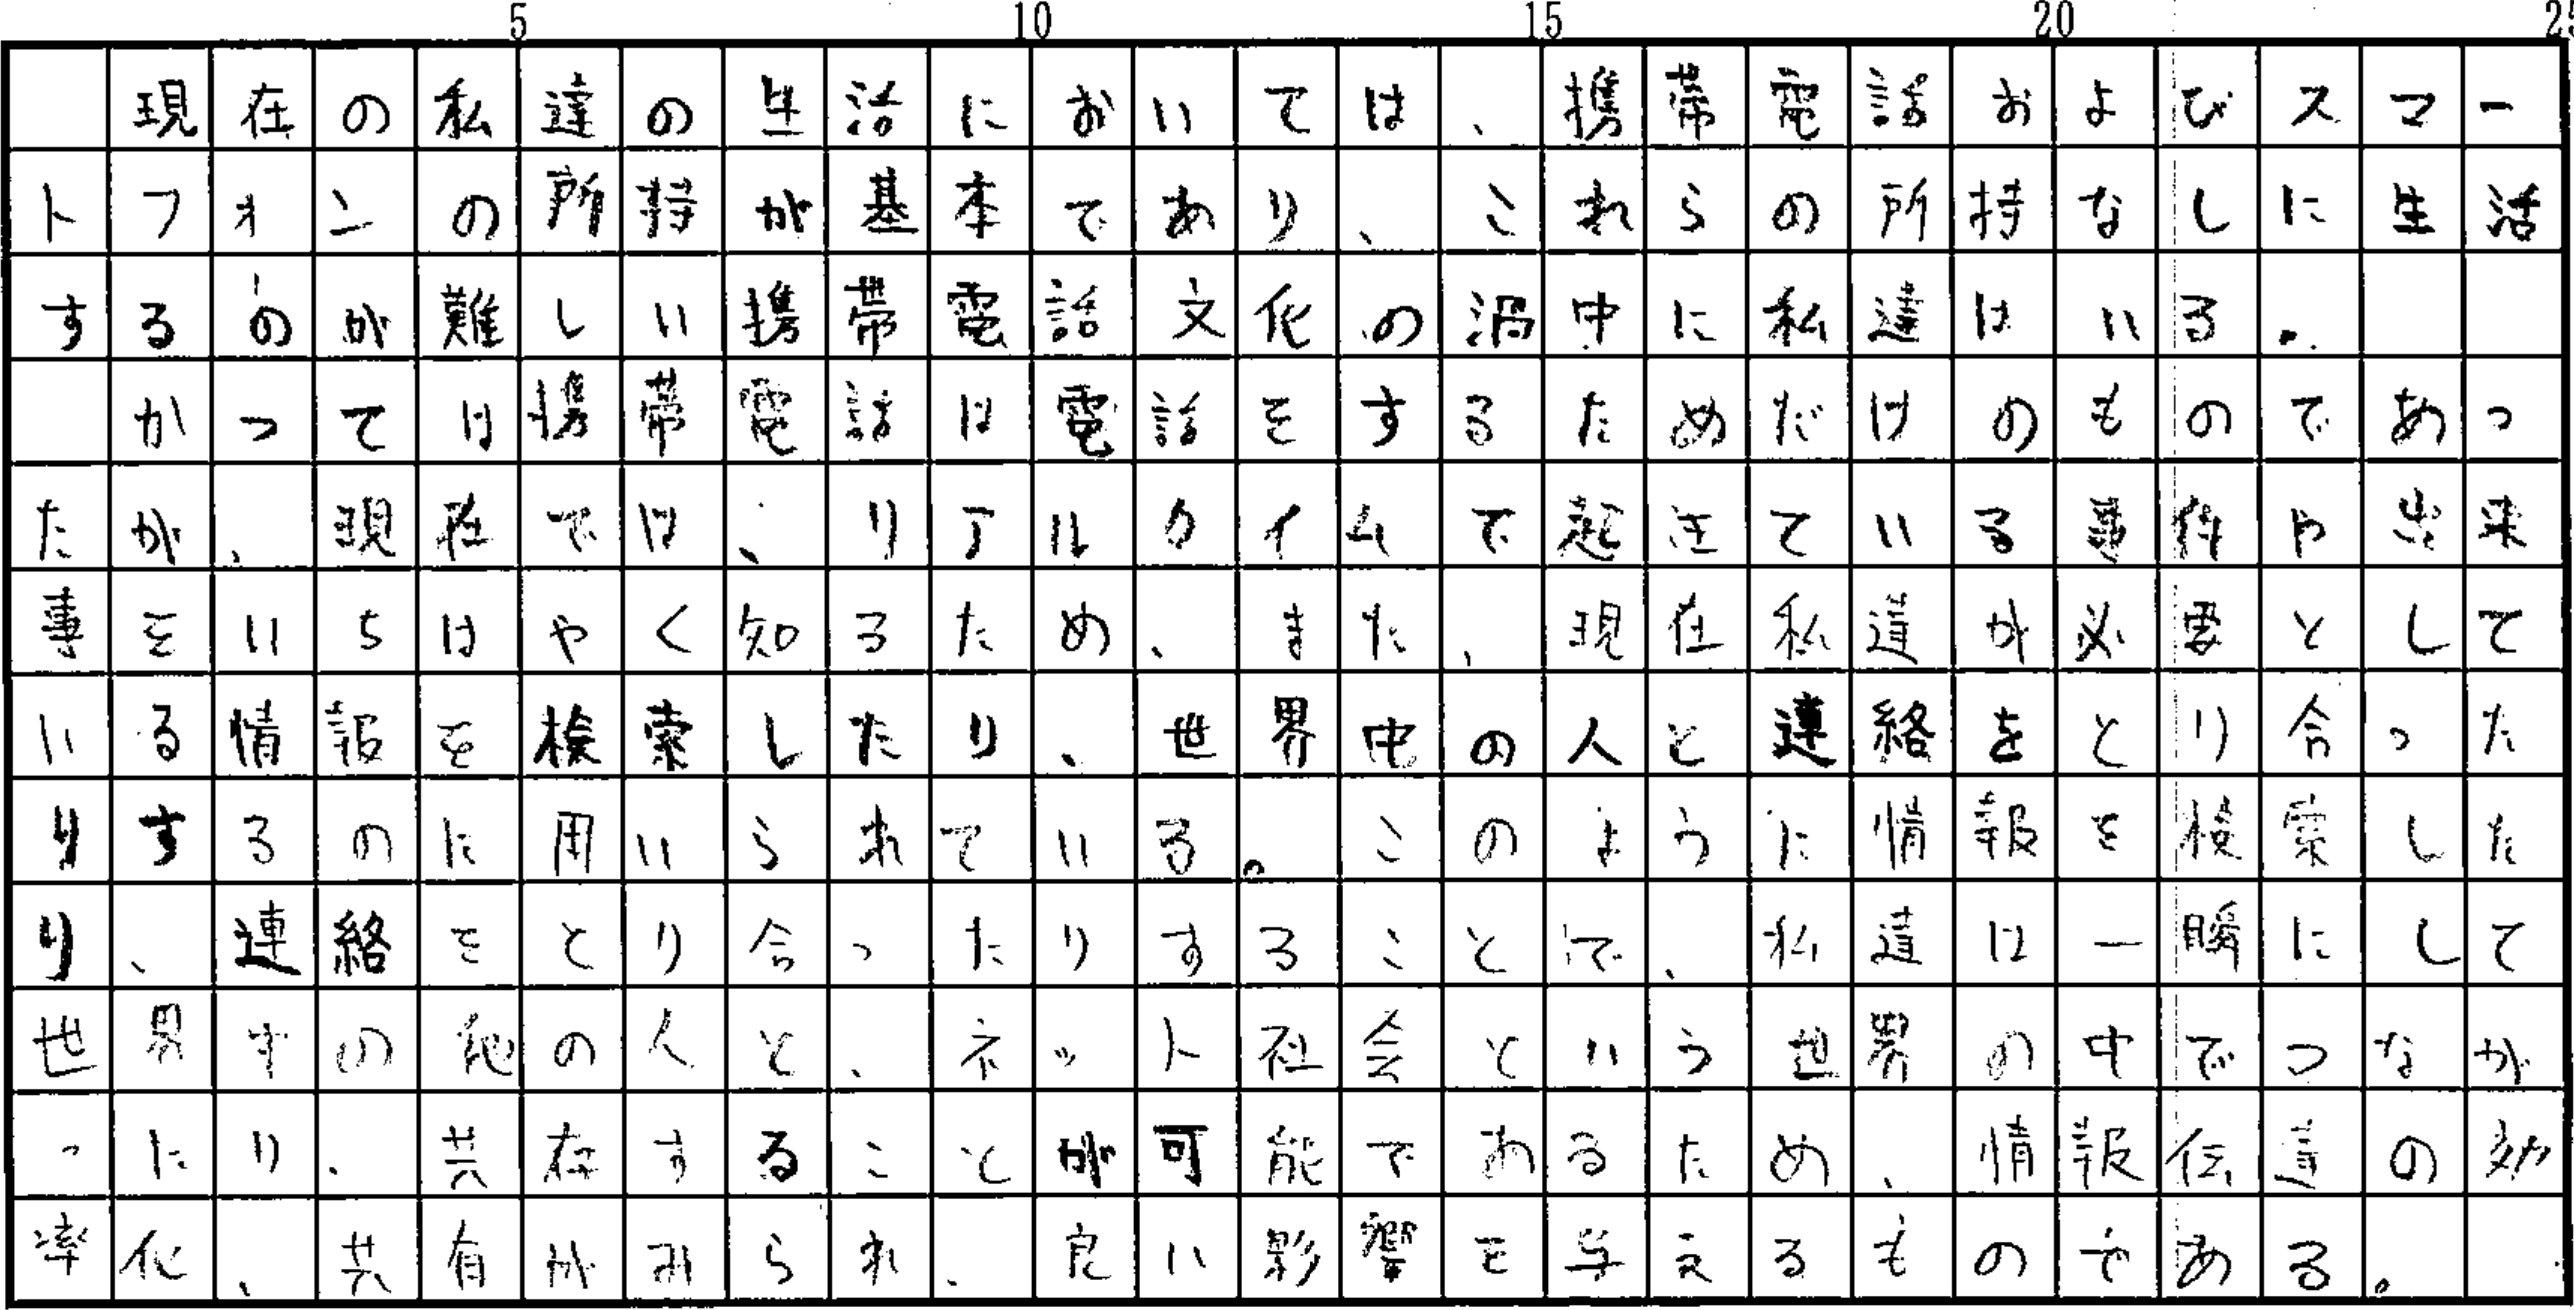　現在の私達の生活においては、携帯電話およびスマートフォンの所持が基本であり、これらの所持なしに生活するのが難しい携帯電話文化の渦中に私達はいる。
　かつては携帯電話は電話をするためだけのものであったが、現在では、リアルタイムで起きている事件や出来事をいちはやく知るため、また、現在私達が必要としている情報を検索したり、世界中の人と連絡をとり合ったりするのに用いられている。このように情報を検索したり、連絡をとり合ったりすることで、私達は一瞬にして世界中の他の人と、ネット社会という世界の中でつながったり、共存することが可能であるため、情報伝達の効率化、共有がみられ、良い影響を与えるものである。
